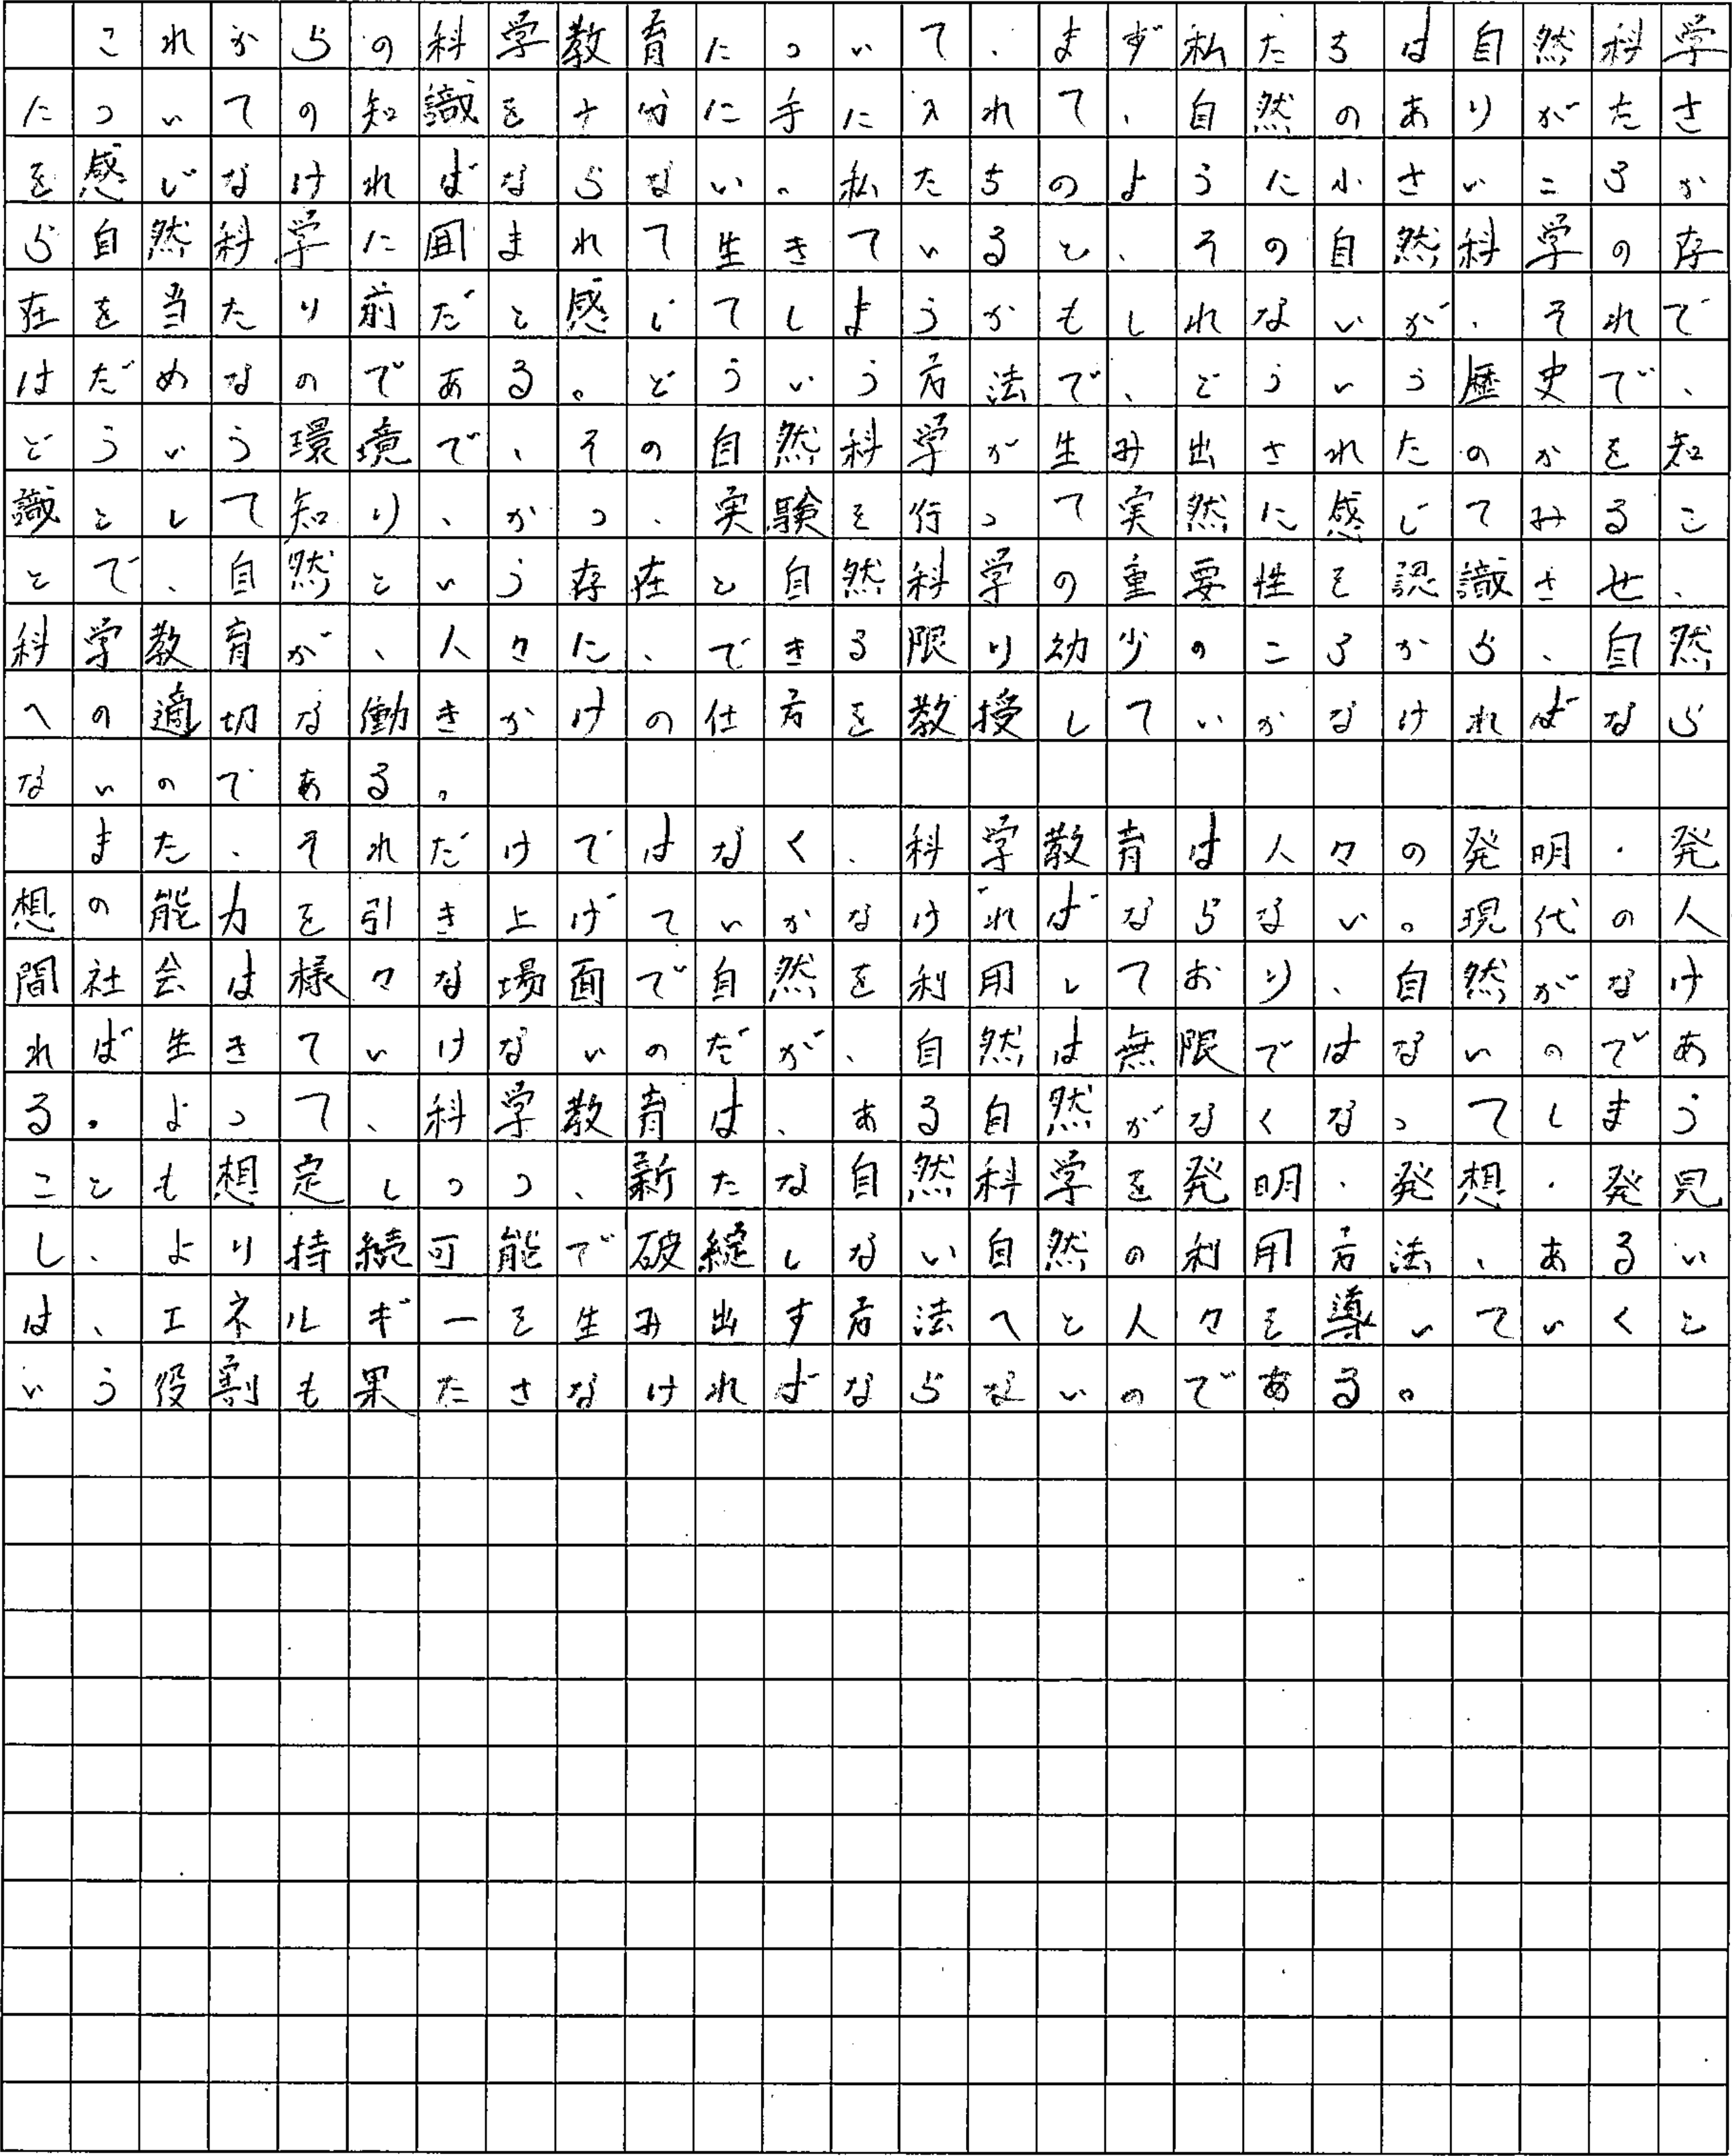　これからの科学教育について、まず私たちは自然科学についての知識を十分に手に入れて、自然のありがたさを感じなければならない。私たちのように小さいころから自然科学に囲まれて生きていると、その自然科学の存在を当たり前だと感じてしまうかもしれないが、それではだめなのである。どういう方法で、どういう歴史で、どういう環境で、その自然科学が生み出されたのかを知識として知り、かつ、実験を行って実然に感じてみることで、自然という存在と自然科学の重要性を認識させ、科学教育が、人々に、できる限り幼少のころから、自然への適切な働きかけの仕方を教授していかなければならないのである。
　また、それだけではなく、科学教育は人々の発明・発想の能力を引き上げていかなければならない。現代の人間社会は様々な場面で自然を利用しており、自然がなければ生きていけないのだが、自然は無限ではないのである。よって、科学教育は、ある自然がなくなってしまうことも想定しつつ、新たな自然科学を発明・発想・発見し、より持続可能で破綻しない自然の利用方法、あるいは、エネルギーを生み出す方法へと人々を導いていくという役割も果たさなければならないのである。
